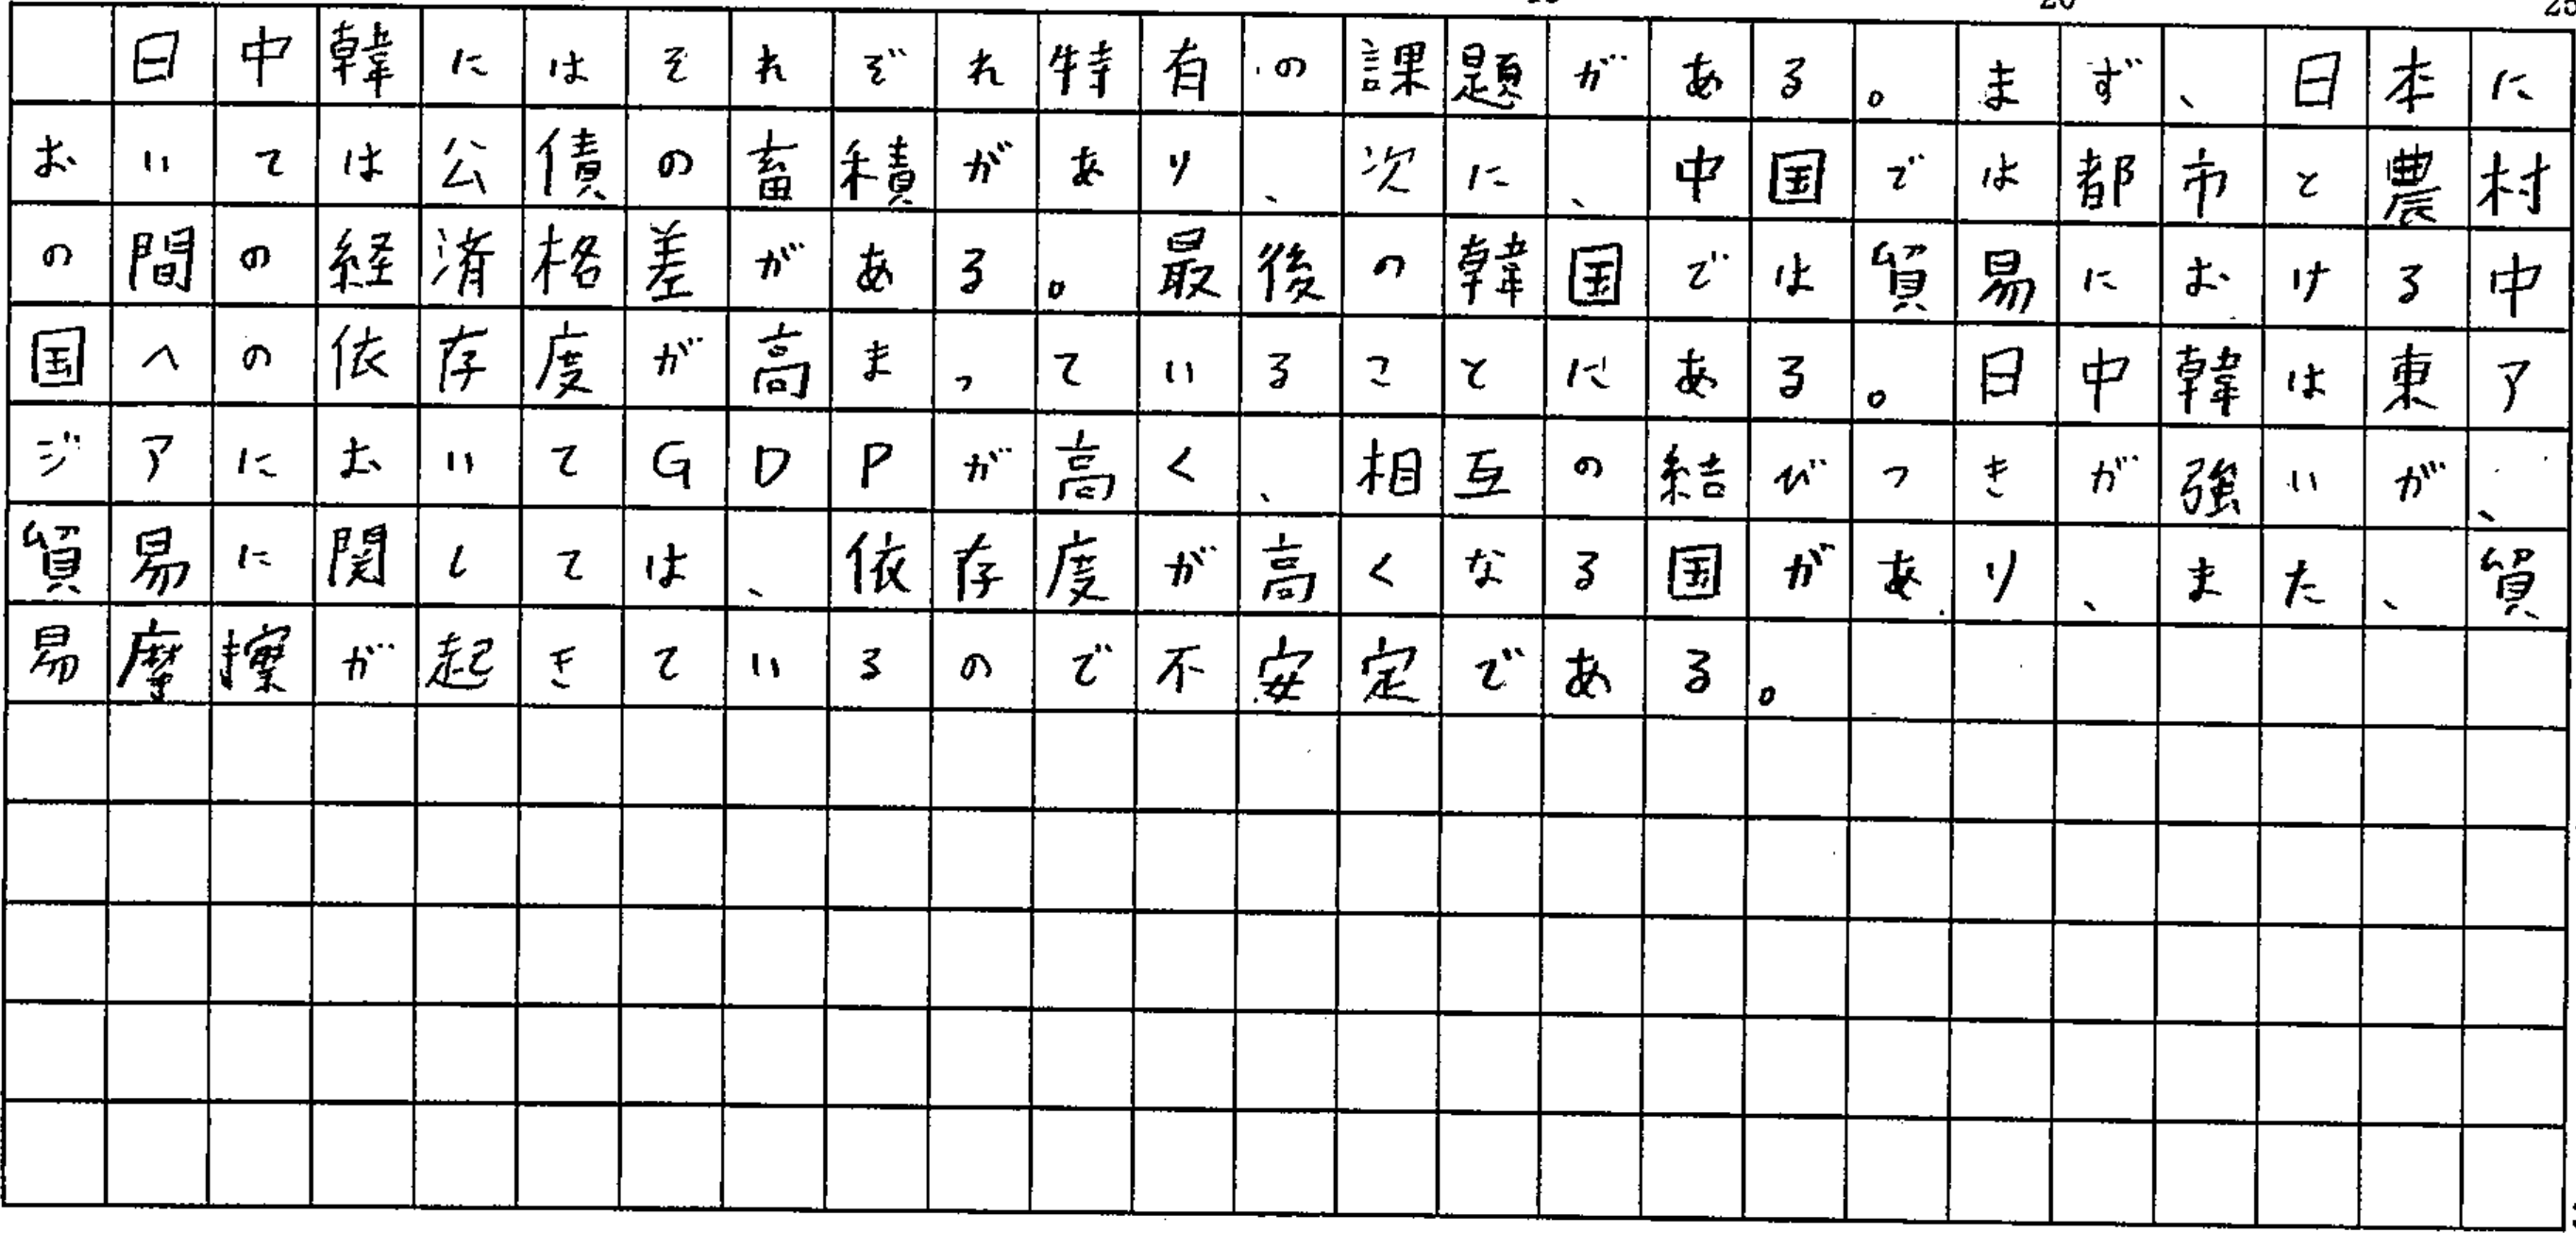　日中韓にはそれぞれ特有の課題がある。まず、日本においては公債の畜積があり、次に、中国では都市と農村の間の経済格差がある。最後の韓国では貿易における中国への依存度が高まっていることにある。日中韓は東アジアにおいてＧＤＰが高く、相互の結びつきが強いが、貿易に関しては、依存度が高くなる国があり、また、貿易摩擦が起きているので不安定である。
